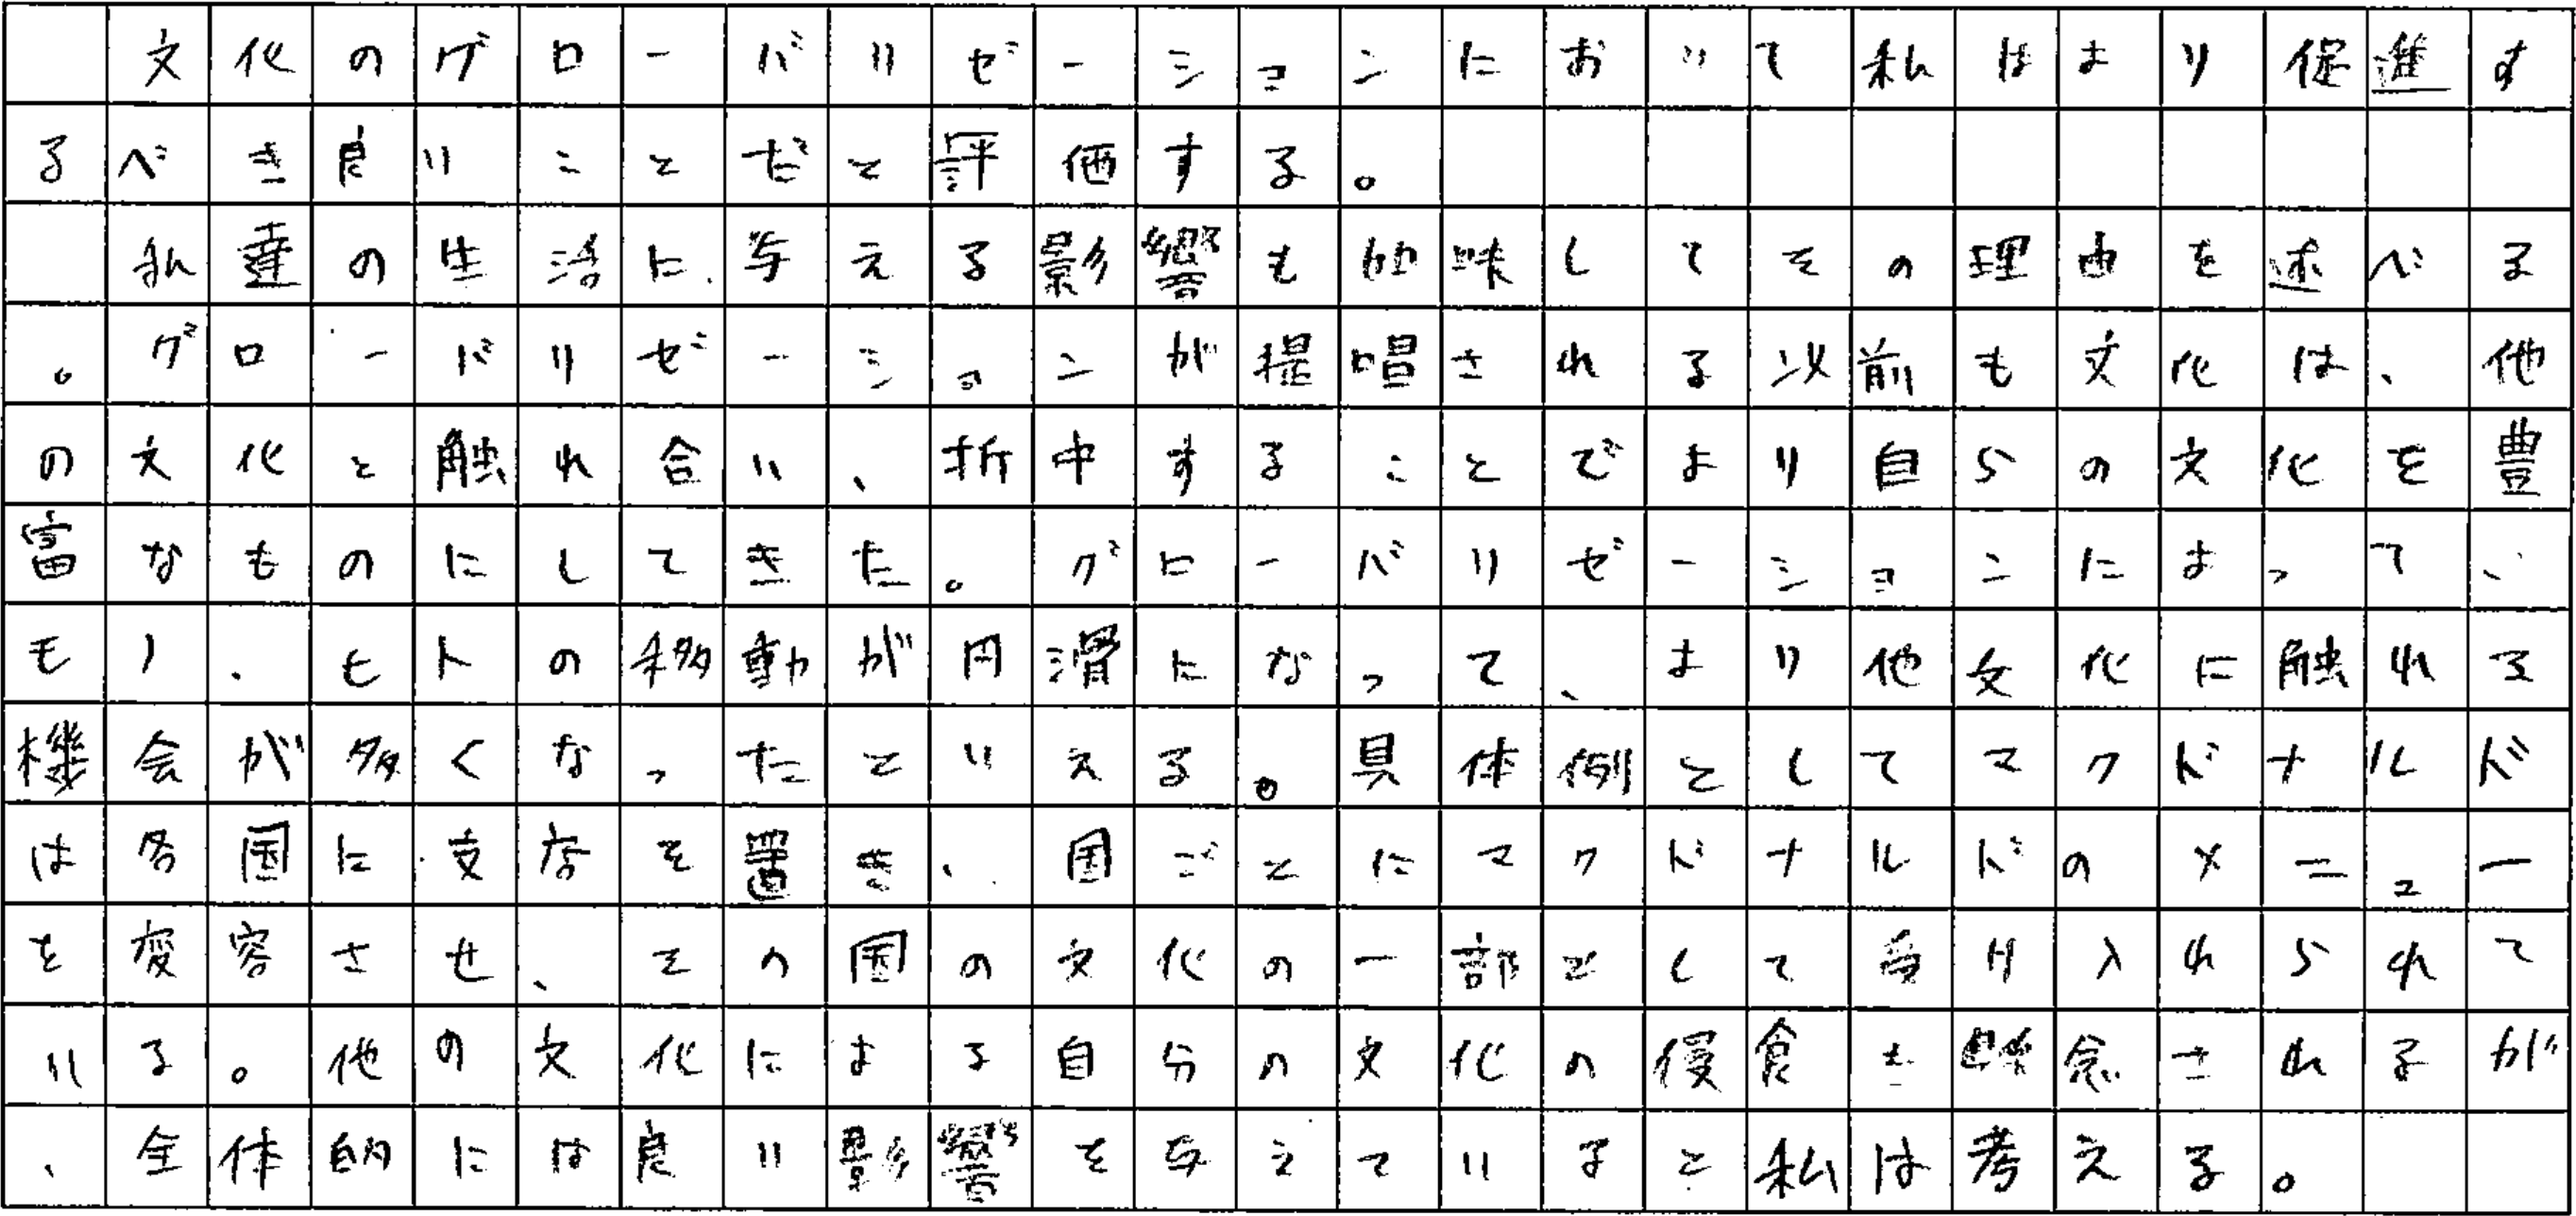　文化のグローバリゼーションにおいて私はより促進するべき良いことだと評価する。
　私達の生活に与える影響も加味してその理由を述べる。グローバリゼーションが提唱される以前も文化は、他の文化と触れ合い、折中することでより自らの文化を豊富なものにしてきた。グローバリゼーションによって、モノ、ヒトの移動が円滑になって、より他文化に触れる機会が多くなったといえる。具体例としてマクドナルドは各国に支店を置き、国ごとにマクドナルドのメニューを変容させ、その国の文化の一部として受け入れられている。他の文化による自分の文化の侵食も▁念されるが、全体的には良い影響を与えていると私は考える。
